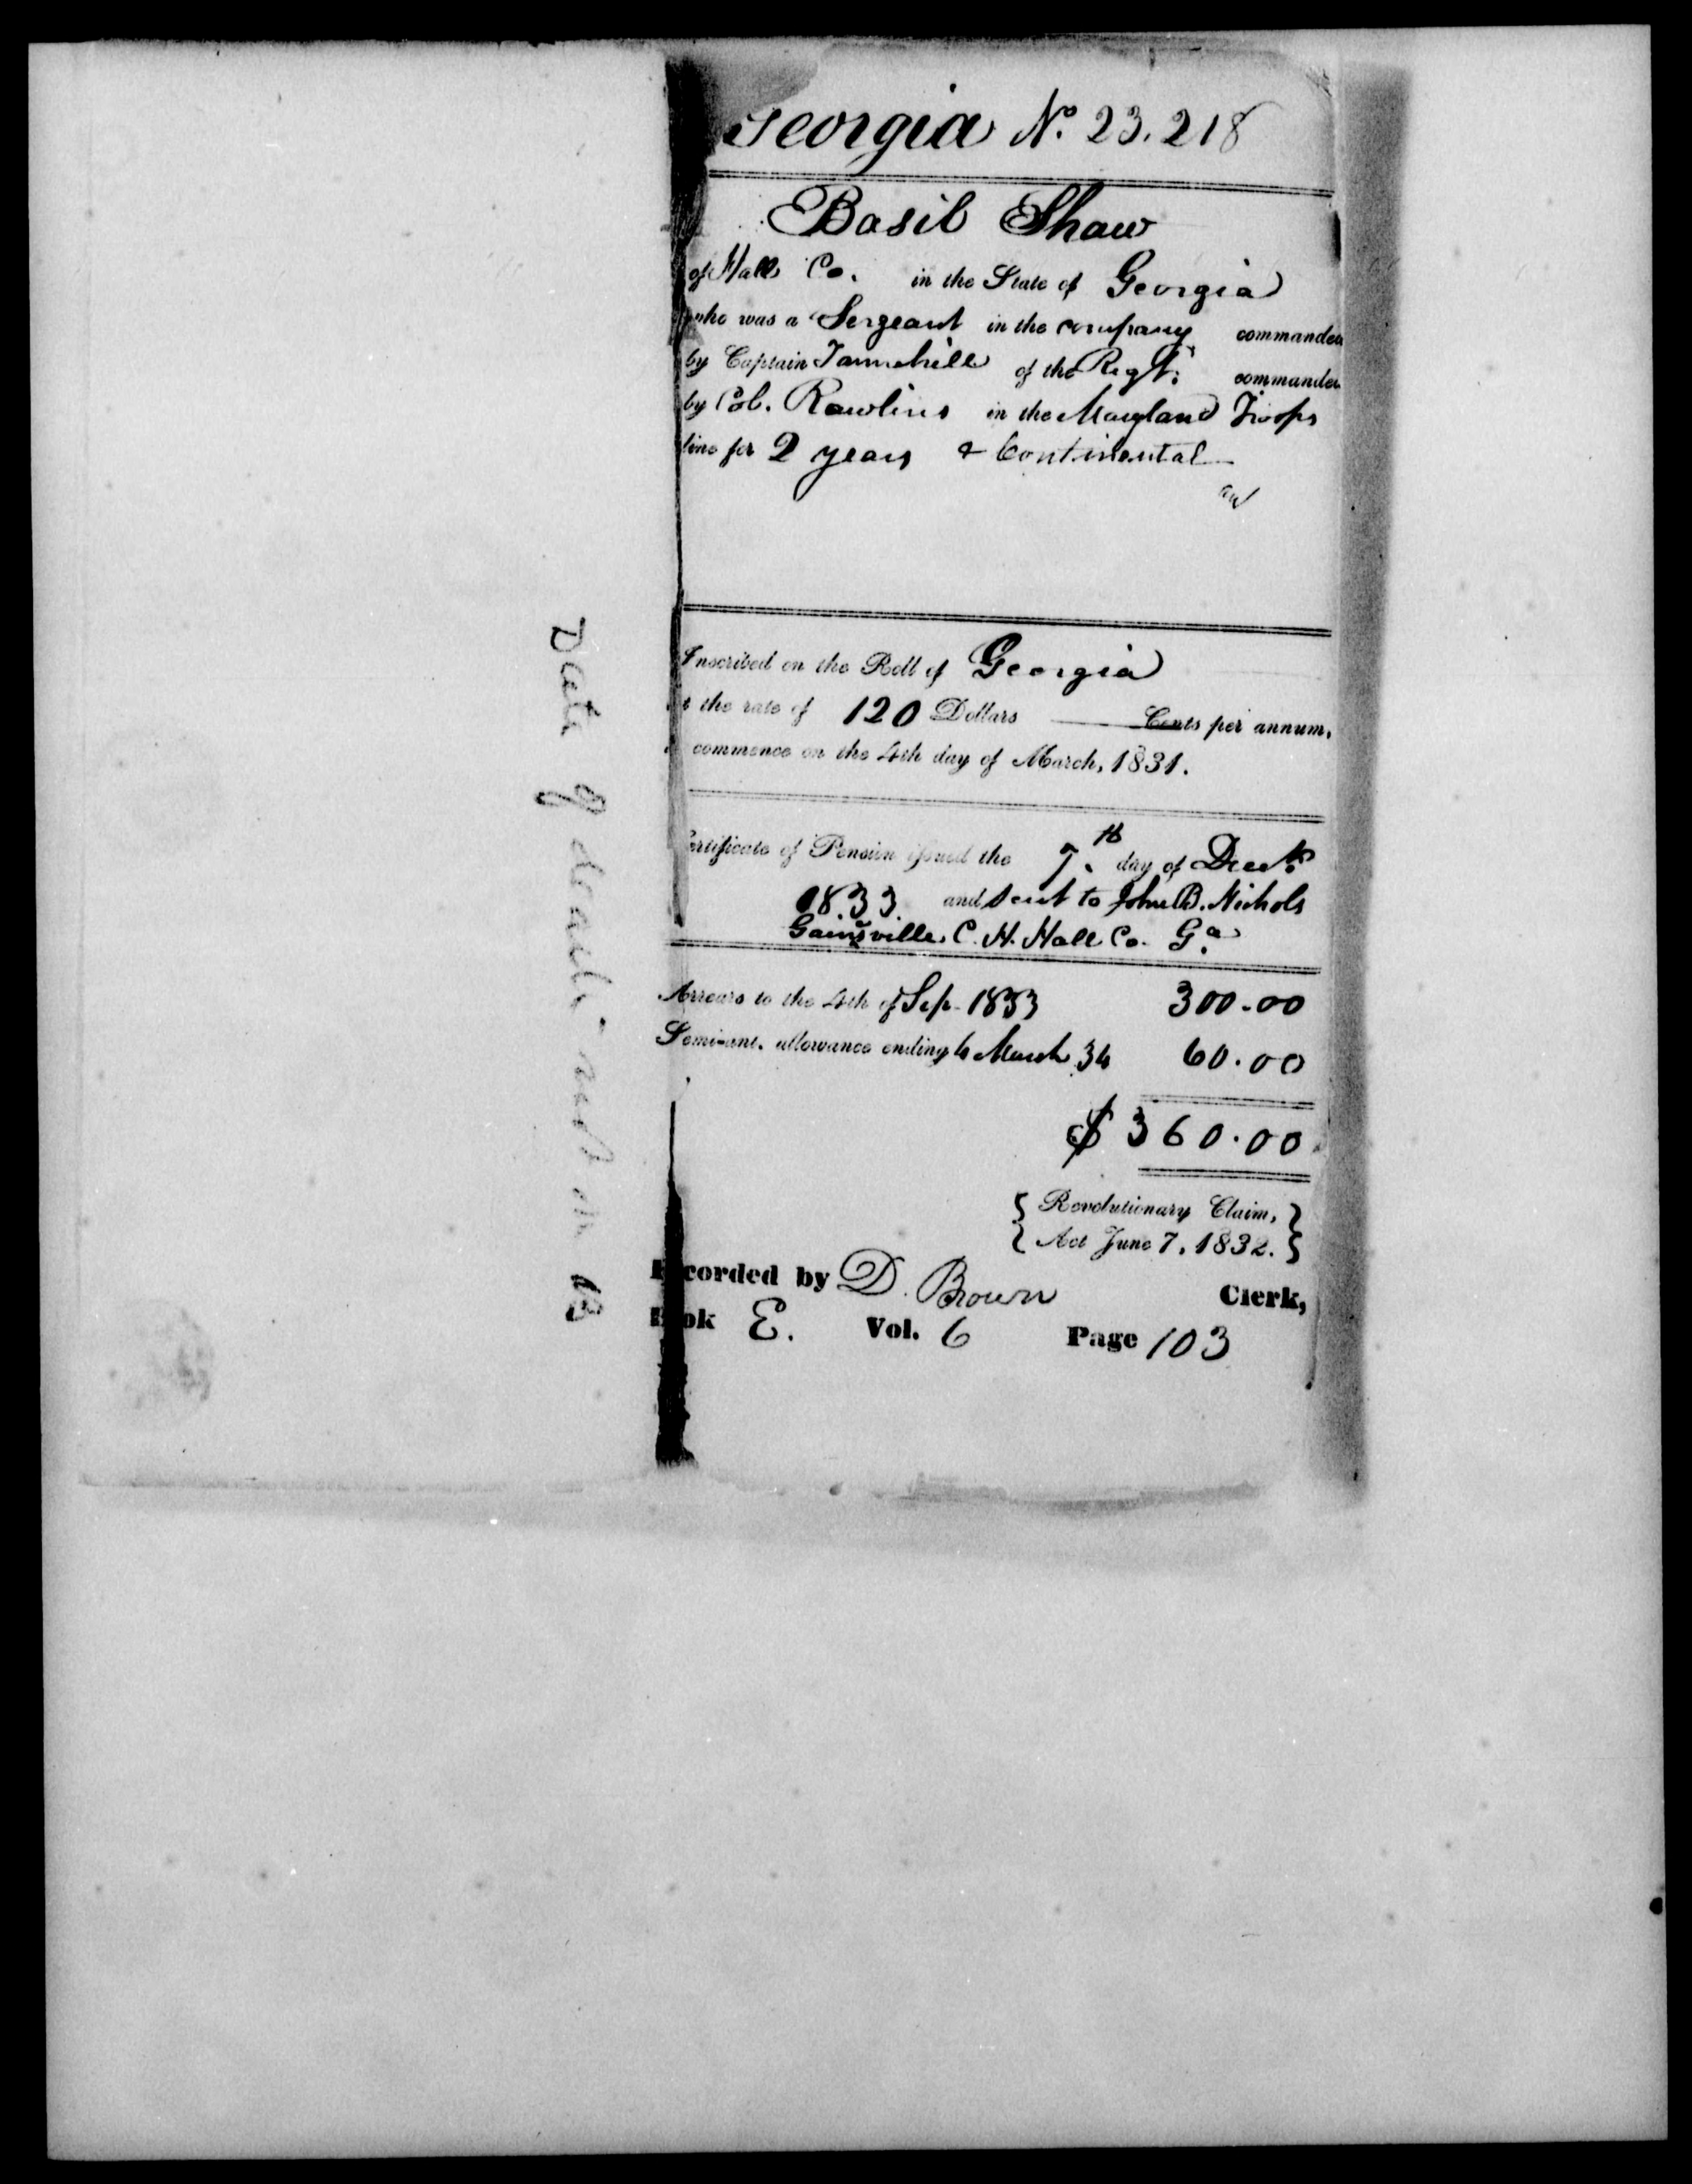Georgia No. 23,218
Basil Shaw
of Hall Co. in the State of Georgia
who was a Sergeant in the company commanded by Captain Tannehill of the Regt. commanded
by Col. Rawlins in the Maryland Troops
and Continental line for 2 years

Inscribed on the Roll of Georgia
at the rate of 120 Dollars  Cents per annum,
to commence on the 4th day of March, 1831.

Certificate of Pension issued the 7th day of Dec.
1833 and sent to John B. Nichols
Gainesville C.H. Hall Co. Ga.

Arrears to the 4th of Sep. 1853 300.00
Semi-anl. allowance ending 4 March 34 60.00
$360.00

{Revolutionary Claim, Act June 7, 1832.}

Recorded by D. Brown Clerk,
Book E. Vol. 6 Page 103  

(written left side vertically)
Date of death - recd on 13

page: 2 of 32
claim: survivor's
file: S. 16,526, for Basil Shaw, Maryland